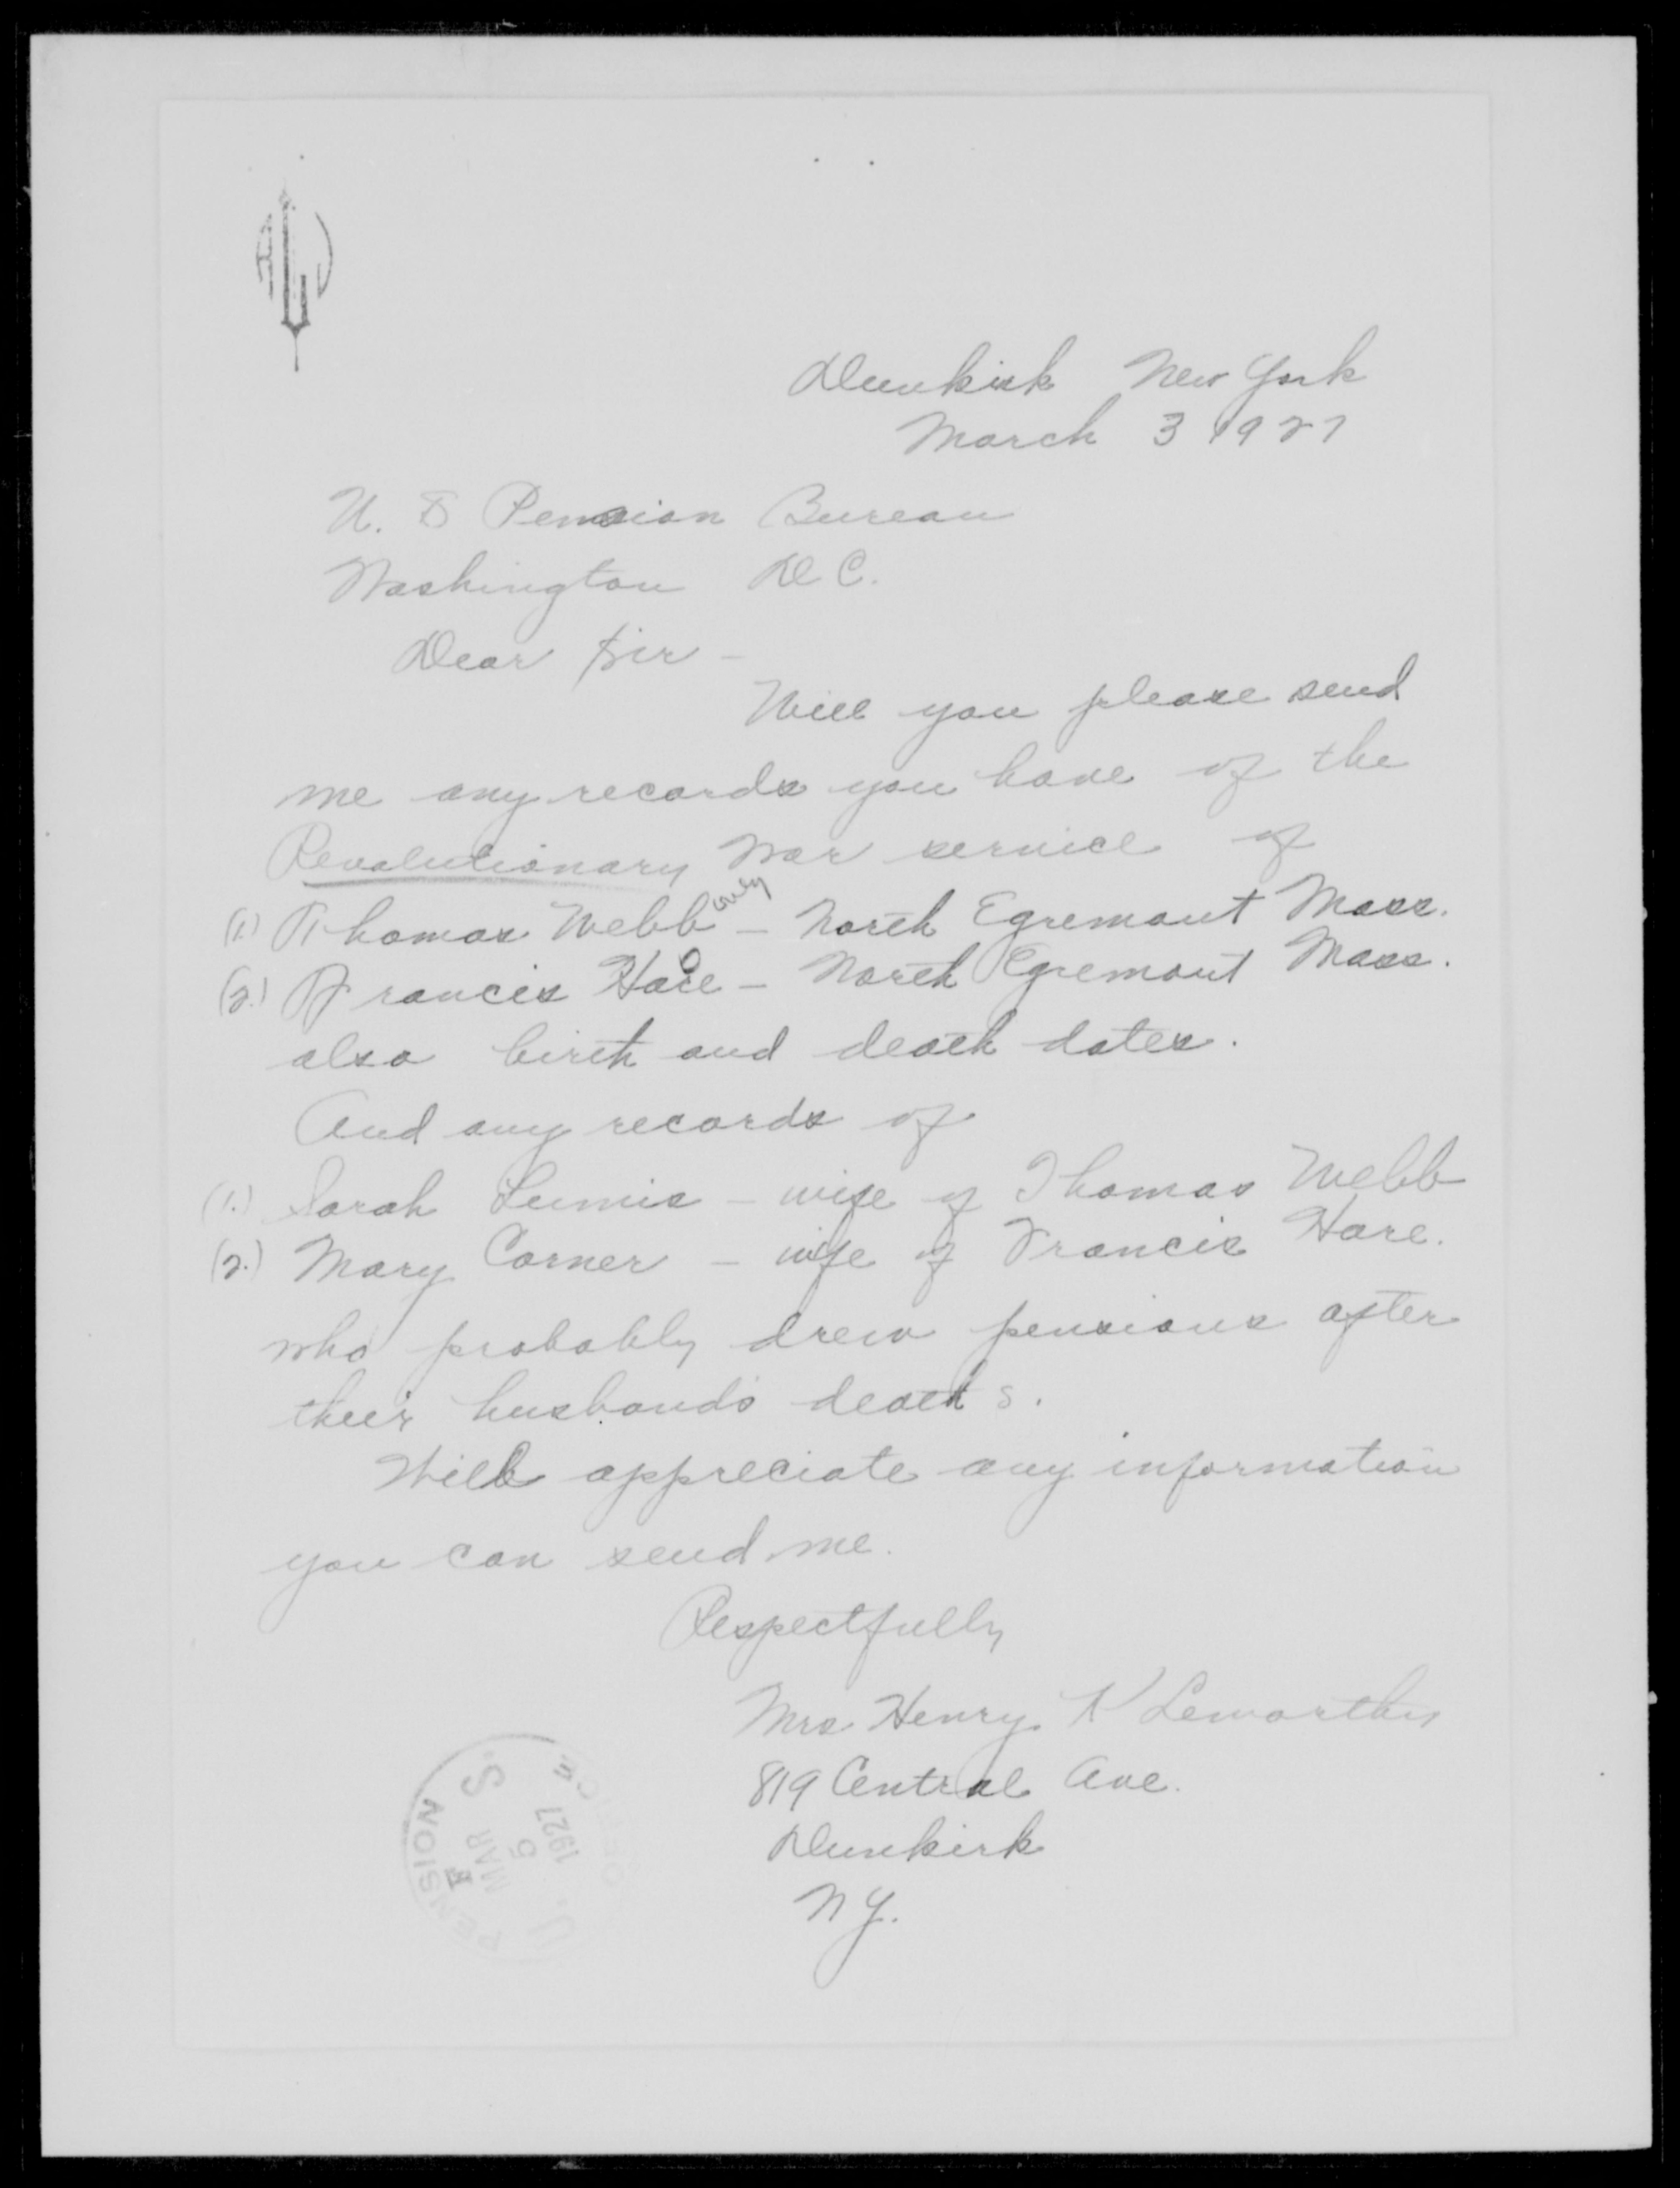Dunkirk, New York
March 3 1927

U. S. Pension Bureau
Washington D. C.

Dear Sir,
Will you please send me any records you have of the Revolutionary War service of
(1) Thomas Webb-North Egremont Mass.
(2) Francis Hare-North Egremont Mass.
also birth and death dates.
and any records of
(1) Sarah Lumis-wife of Thomas Webb.
(2) Mary Corner-wife of Francis Hare
who probably drew pensions after their husbands deaths.
Will appreciate any information you can send me.
Respectfully,
Mrs. Henry K. Leworthy
819 Central Ave.
Dunkirk, N.Y.

(stamped U. S. Pension Office F Mar 5 1927)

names: Rhomas Webb, Francis Hare, Mary Carner, Thomas Webb, Henry K Leworthy, Sarah Lewis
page: 12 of 14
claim: survivor's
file: S. 33888, Thomas Webb, Mass.